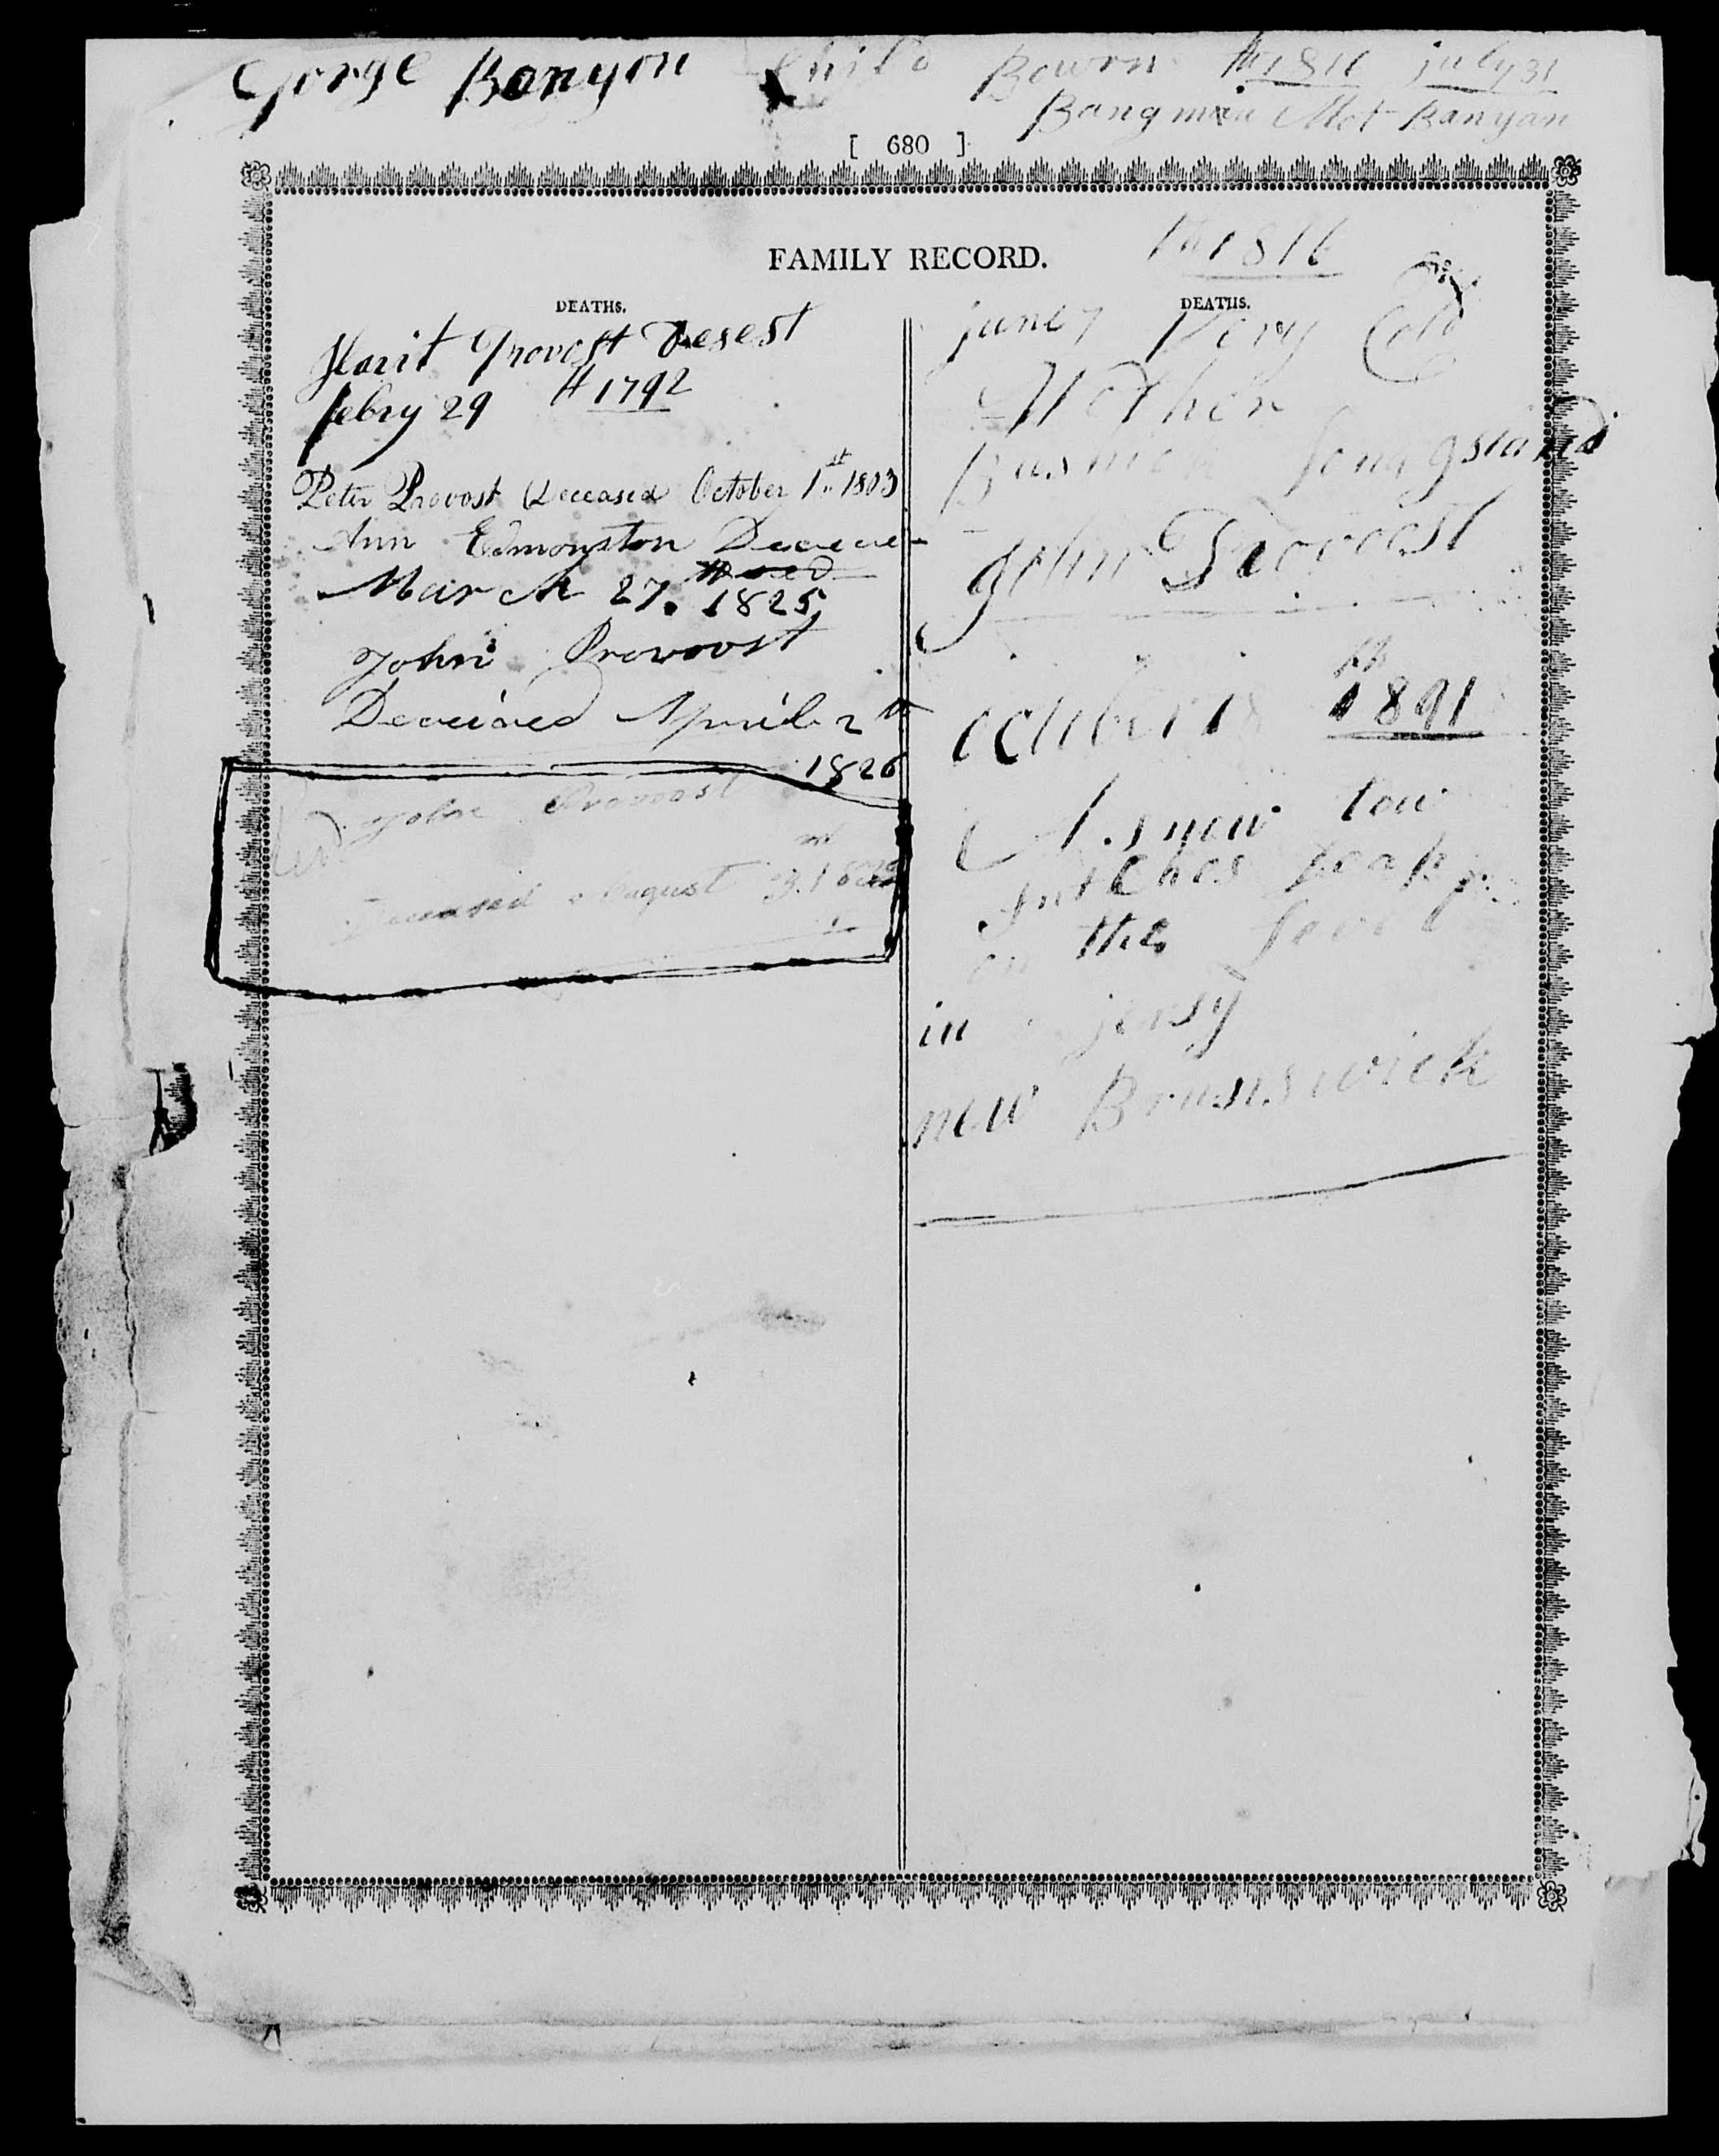Gorge Banyon Child Bourn 1816 july 31 Bangman Not Banyan
Deaths.
Harrit Provost Presest (?) Febry 29 1792
Peter Provost Deceased October 1st 1803
Ann Edmonston Deceased March 27th 1825
John Provoost Deceased April 2th 1826
John Provoost Deceased August 3rd 1832
June 7th 1816 Very Cold Mother Bushick Longstand John Provoost October 1891 [rest is unreadable]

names: Peter Provost; Gorge Banyon; John Provoost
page: 3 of 19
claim: rejected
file: R. 8454, for John Provoost, New Jersey